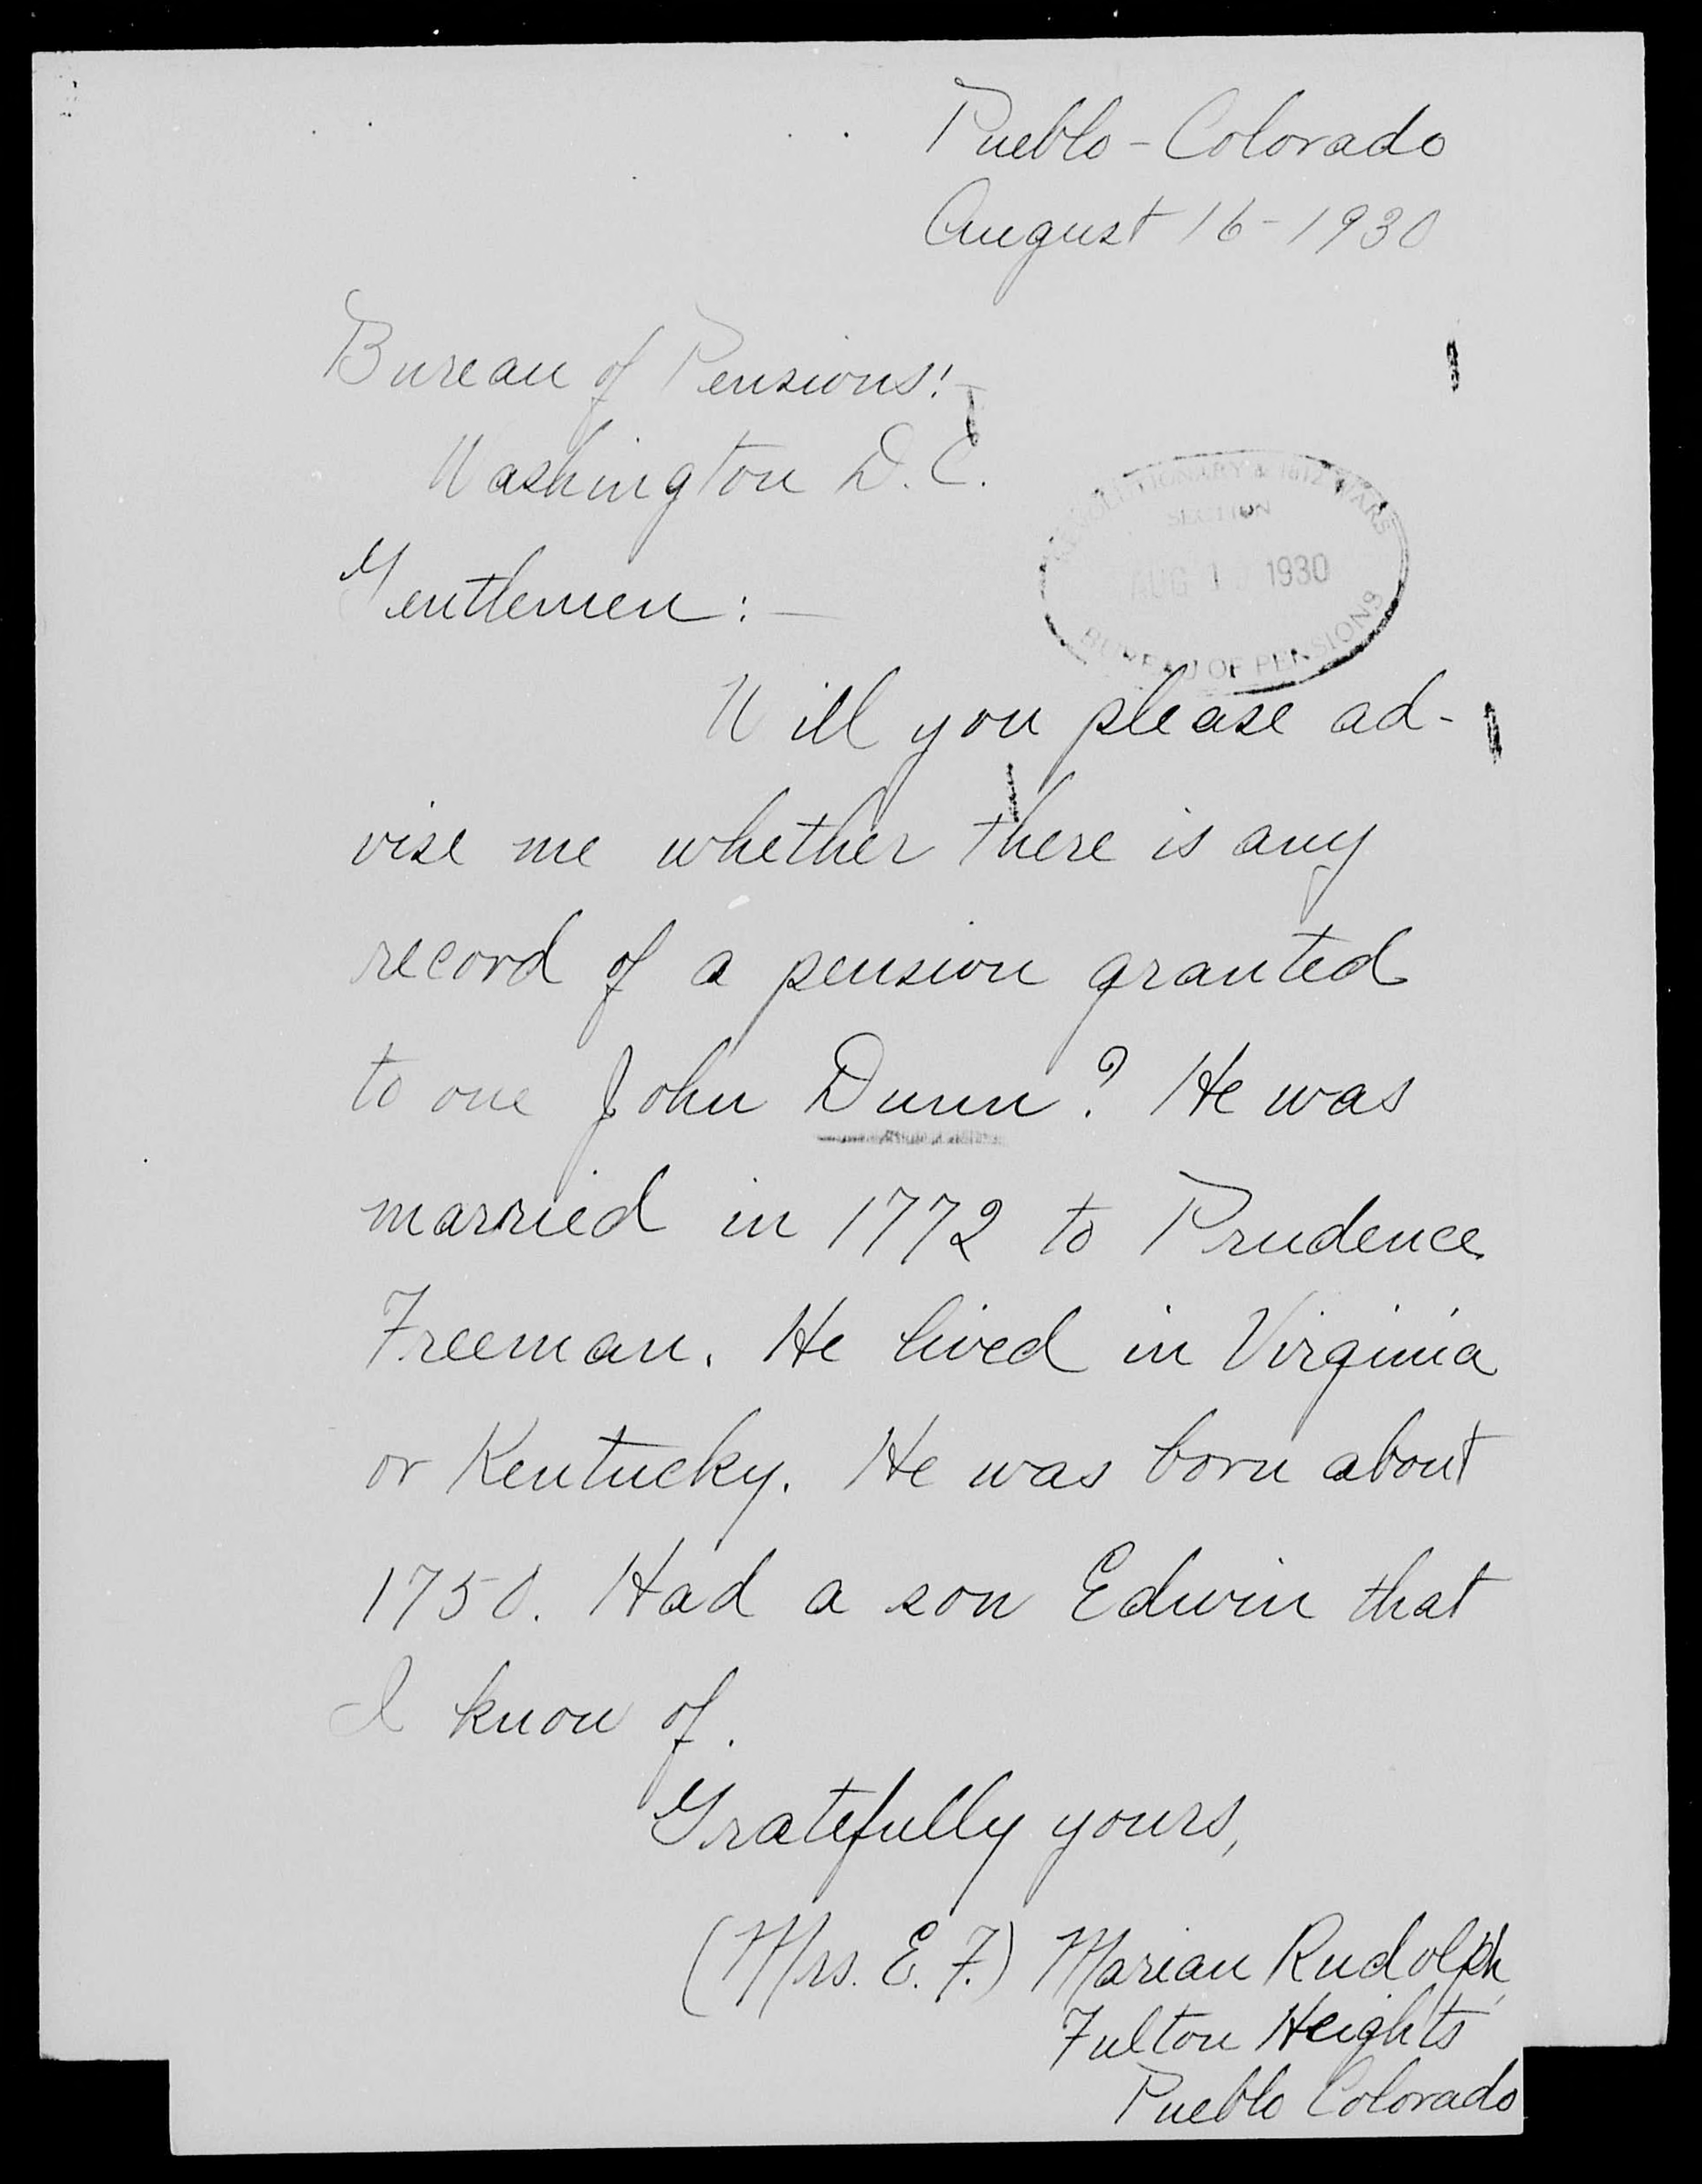Pueblo - Colorado
August 16 - 1930

Bureau of Pensions
Washington D.C. 
Gentlemen:
Will you please advise me whether there is any record of a pension granted to one John Dunn? 
He was married in 1772 to Prudence Freeman. He lived in Virginia or Kentucky. He was born about 1750. Had a son Edwin that I know of.
Gratefully yours,
(Mrs. E. F.) Marian Rudolph 
Fulton Heights
Pueblo Colorado

[oval black ink stamp]
REVOLUTIONARY & 1812 WARS
SECTION
AUG ? 1930
BUREAU OF PENSIONS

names: Marian Rudolph, John Dunn, E F Rudolph, Edwin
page: 23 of 23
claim: survivor's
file: S 35903, John Dunn, Va.